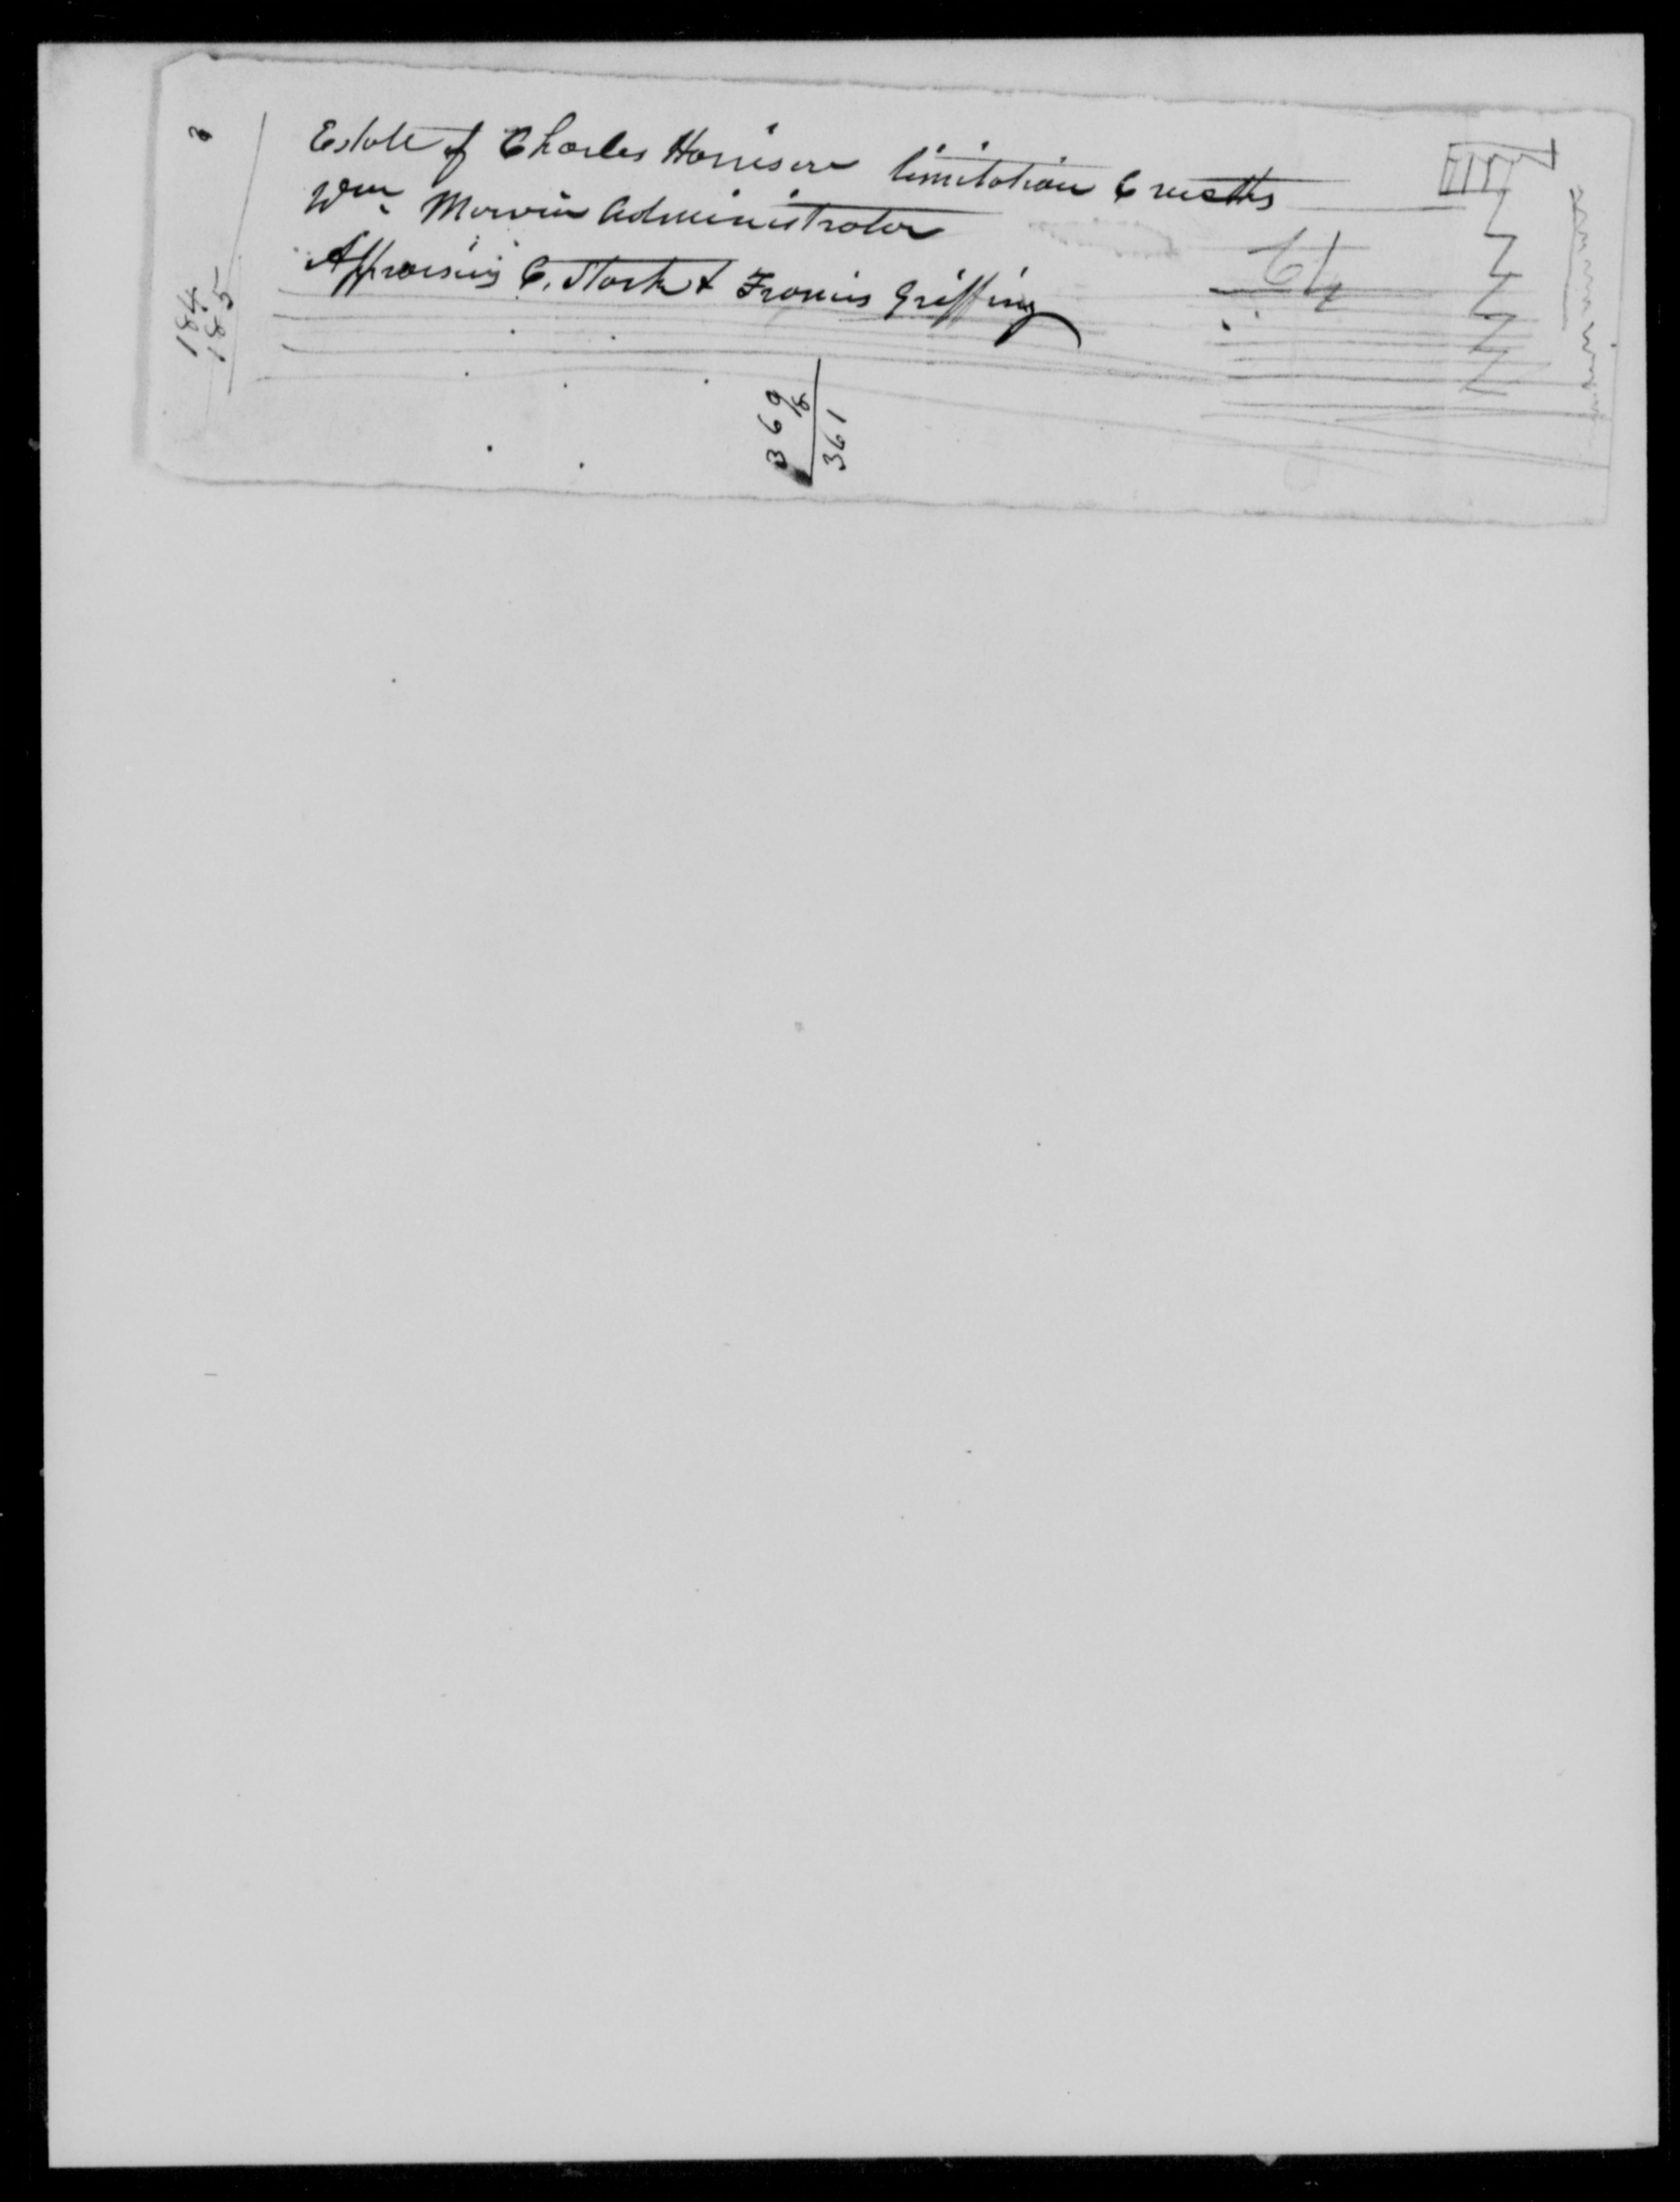184
185

369 8 / 361

Estate of Charles Harrison limitation 6 months
Wm Marvin Administrator
Appraising C Stock and Francis Griffing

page: 22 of 55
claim: widow's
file: W. 14,021, for Samuel Tilton, New Hampshire